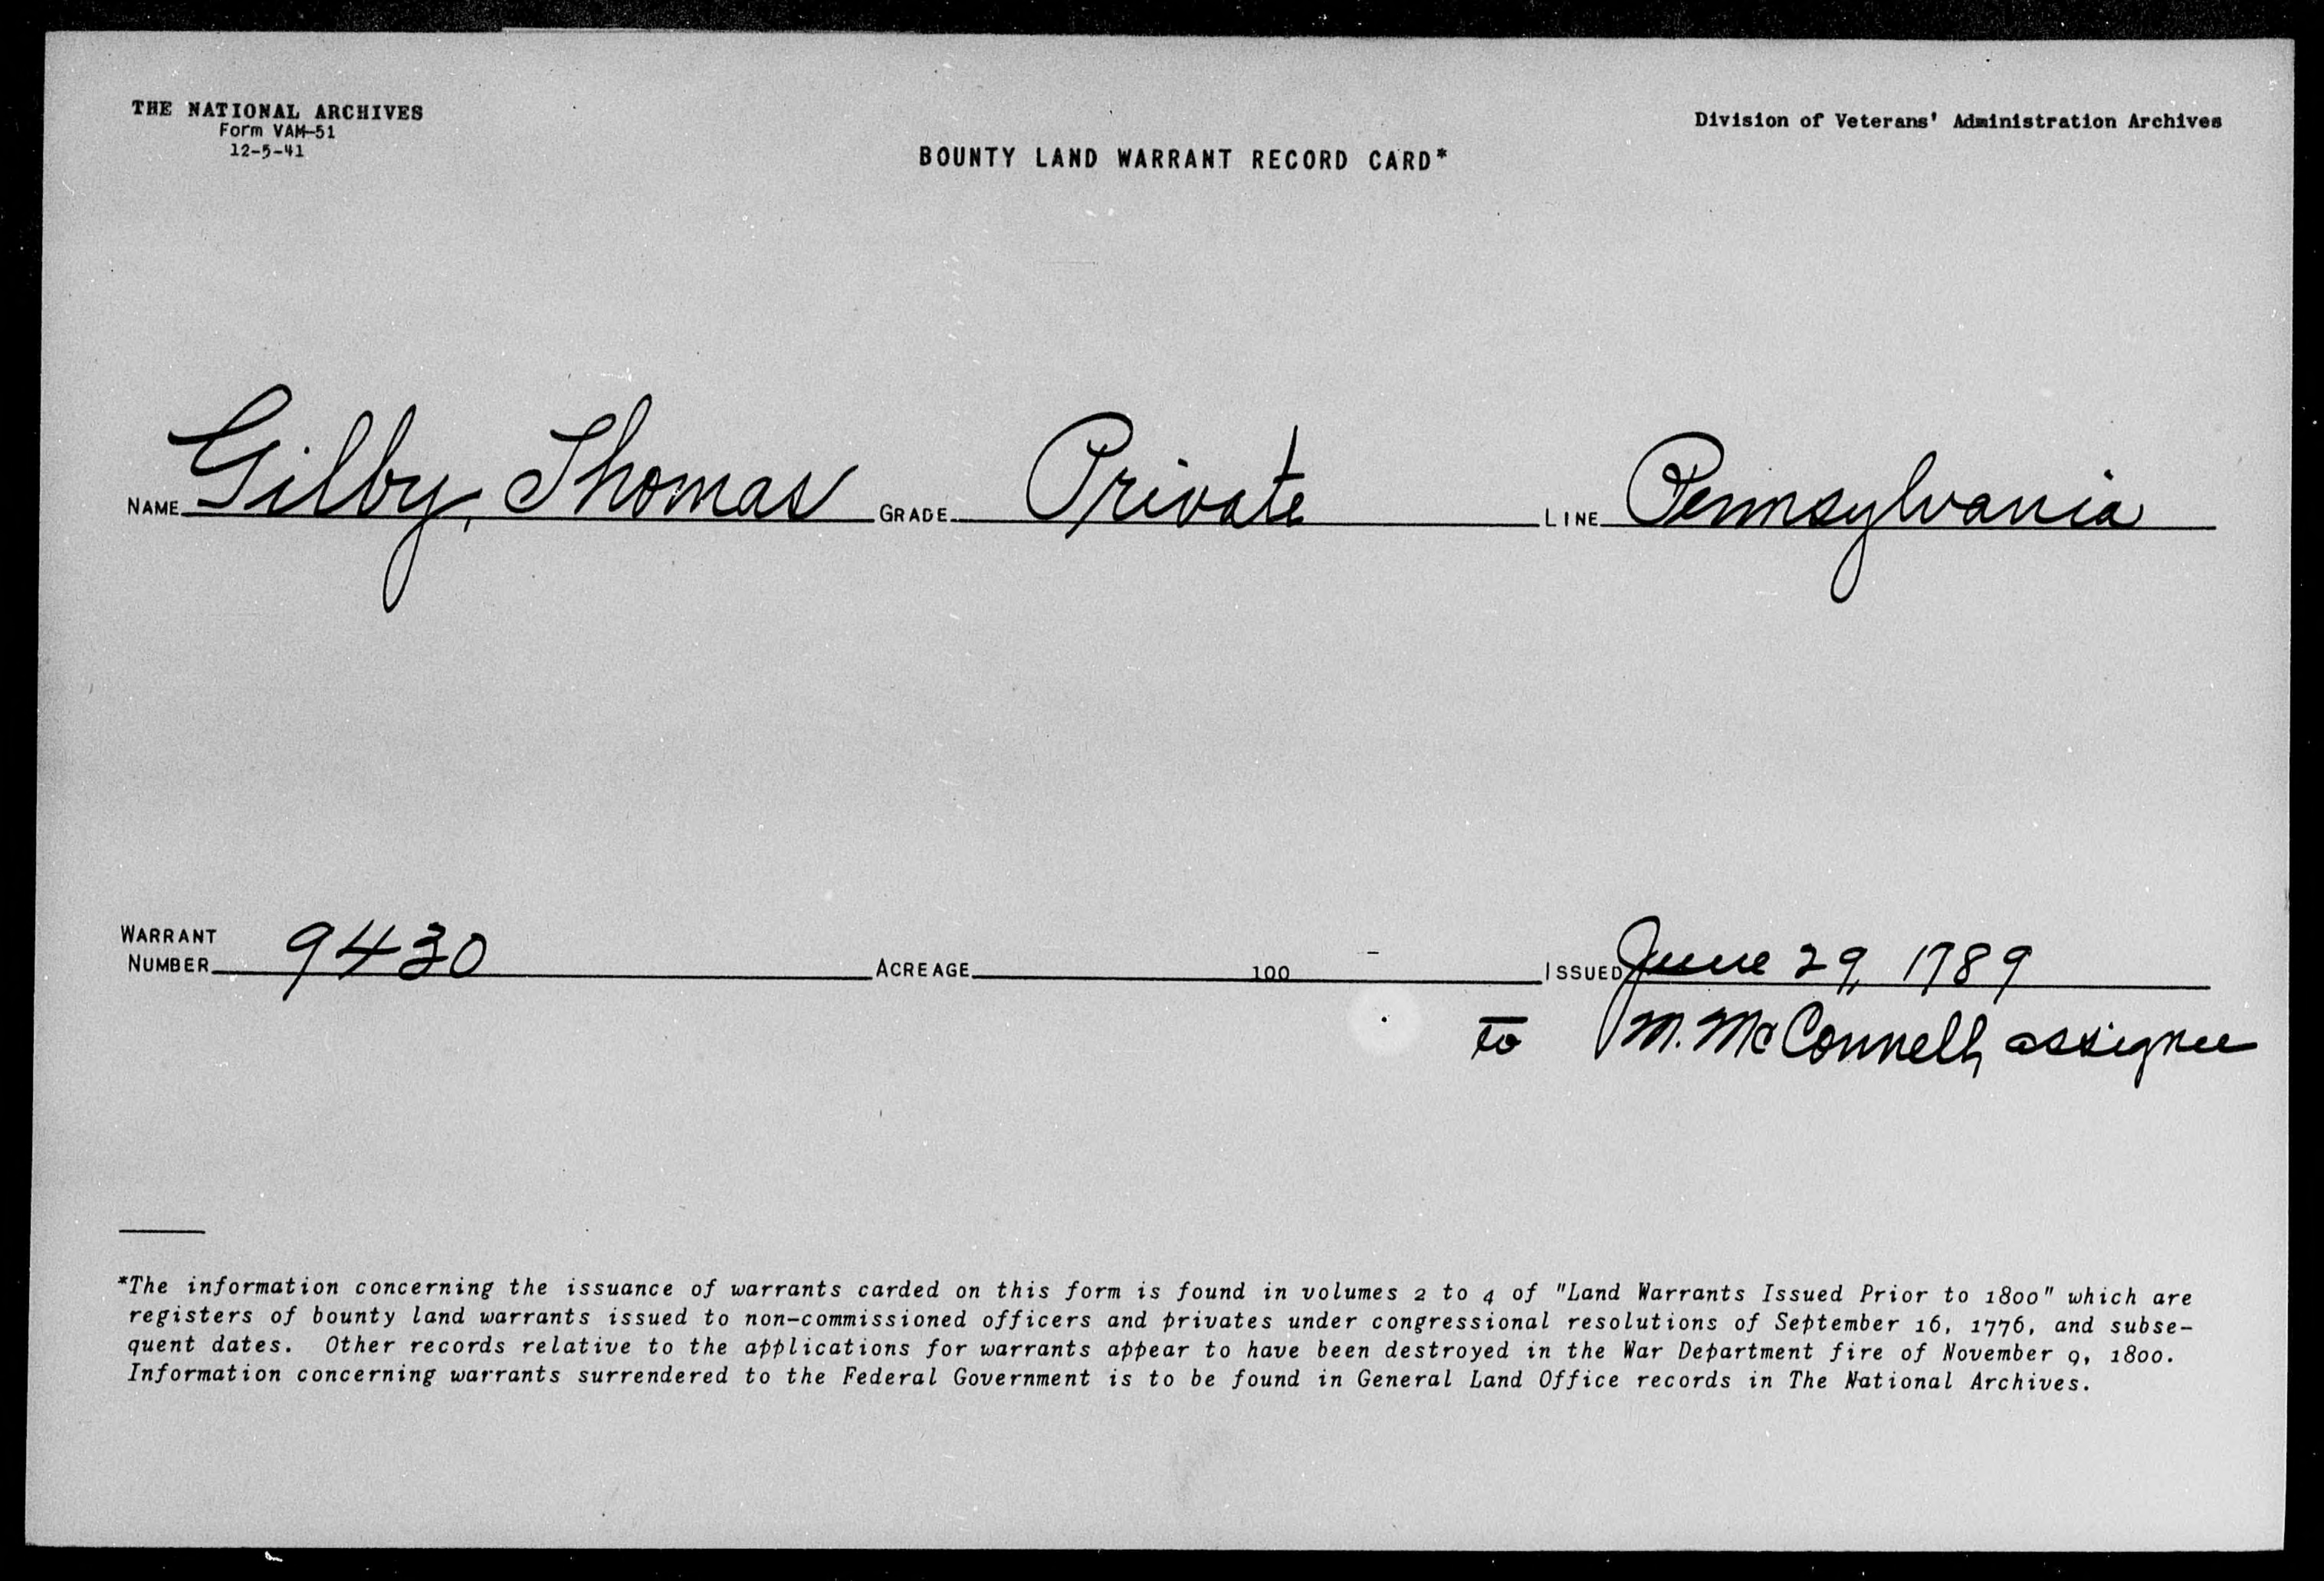THE NATIONAL ARCHIVES   Division of Veterans' Administration Archives
Form VAN-51
12-5-41     BOUNTY LAND WARRANT RECORD CARD*

NAME Gilby, Thomas  GRADE  Private   LINE  Pennsylvania

WARRANT
NUMBER  9430    ACREAGE   100    ISSUED  June 29, 1789
to M. McConnell, assignee



*The information concerning the issuance of warrants carded on this form is found in volumes 2 to 4 of "Land Warrants Issued Prior to 1800" which are registers of bounty land warrants issued to non-commissioned officers and privates under congressional resolutions of September 16, 1776, and subsequent dates. Other records relative to the applications for warrants appear to have been destroyed in the War Department fire of Nov ember 9, 1800. Information concerning warrants surrendered to the Federal Government is to be found in General Land Office records in the national Archives.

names: Thomas Gilby, M Mc Connell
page: 24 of 24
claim: survivor's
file: S. 38727, Thomas Gilbreath, Penn.